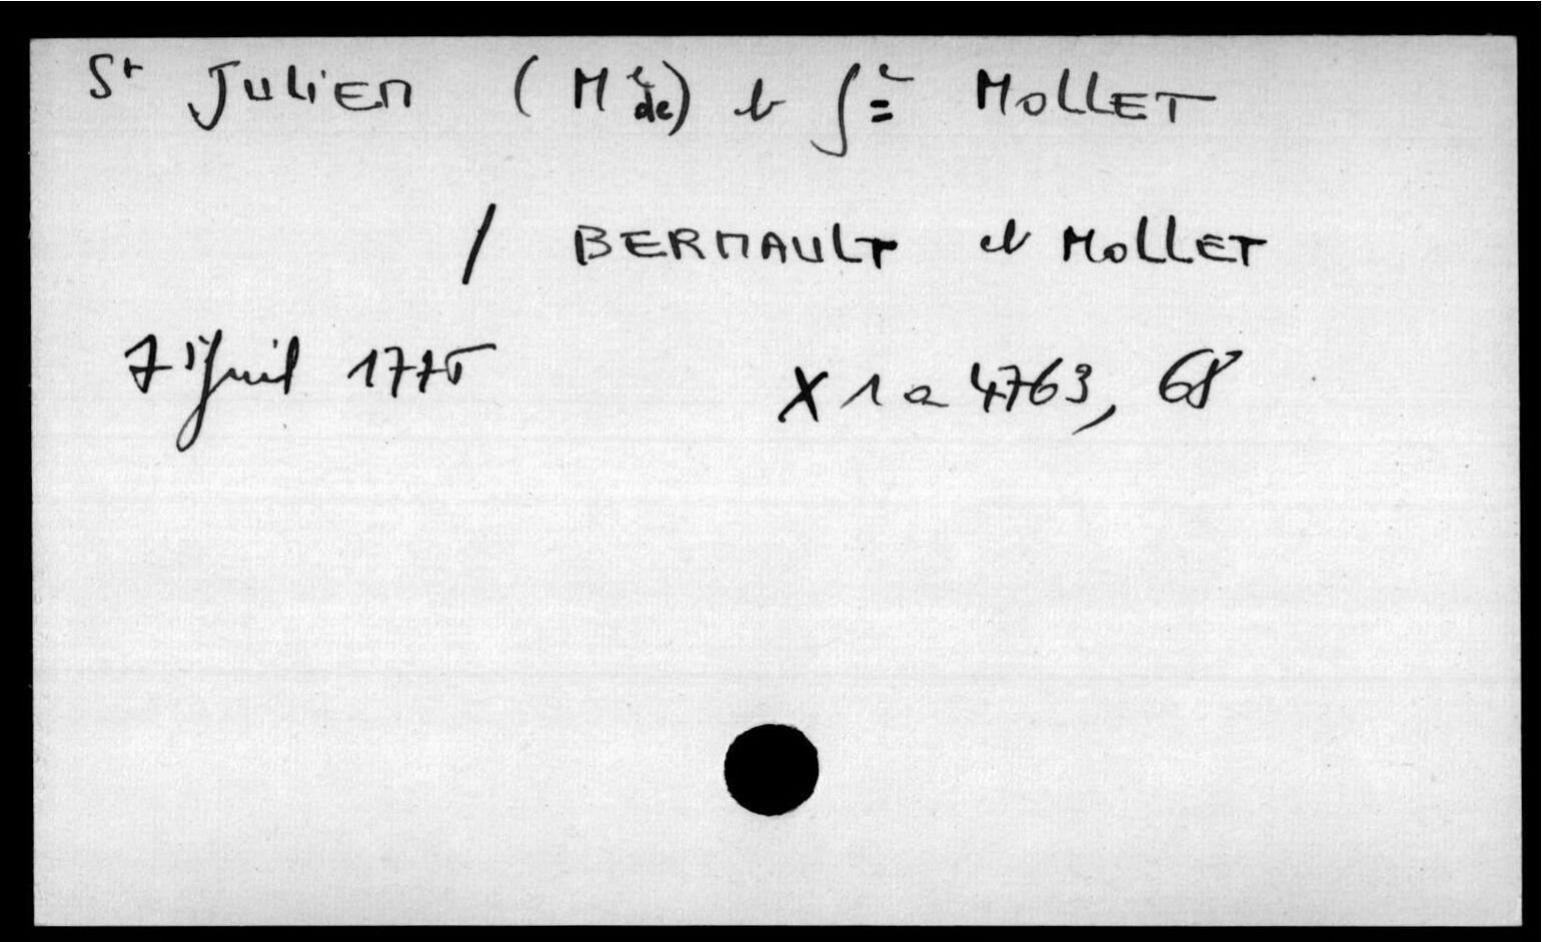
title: SAINT JULIEN (Marquis de) et sieur Mollet
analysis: Contre BERNAULT et MOLLET
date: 7 juillet 1775
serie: X1a
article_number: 4763
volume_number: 68
